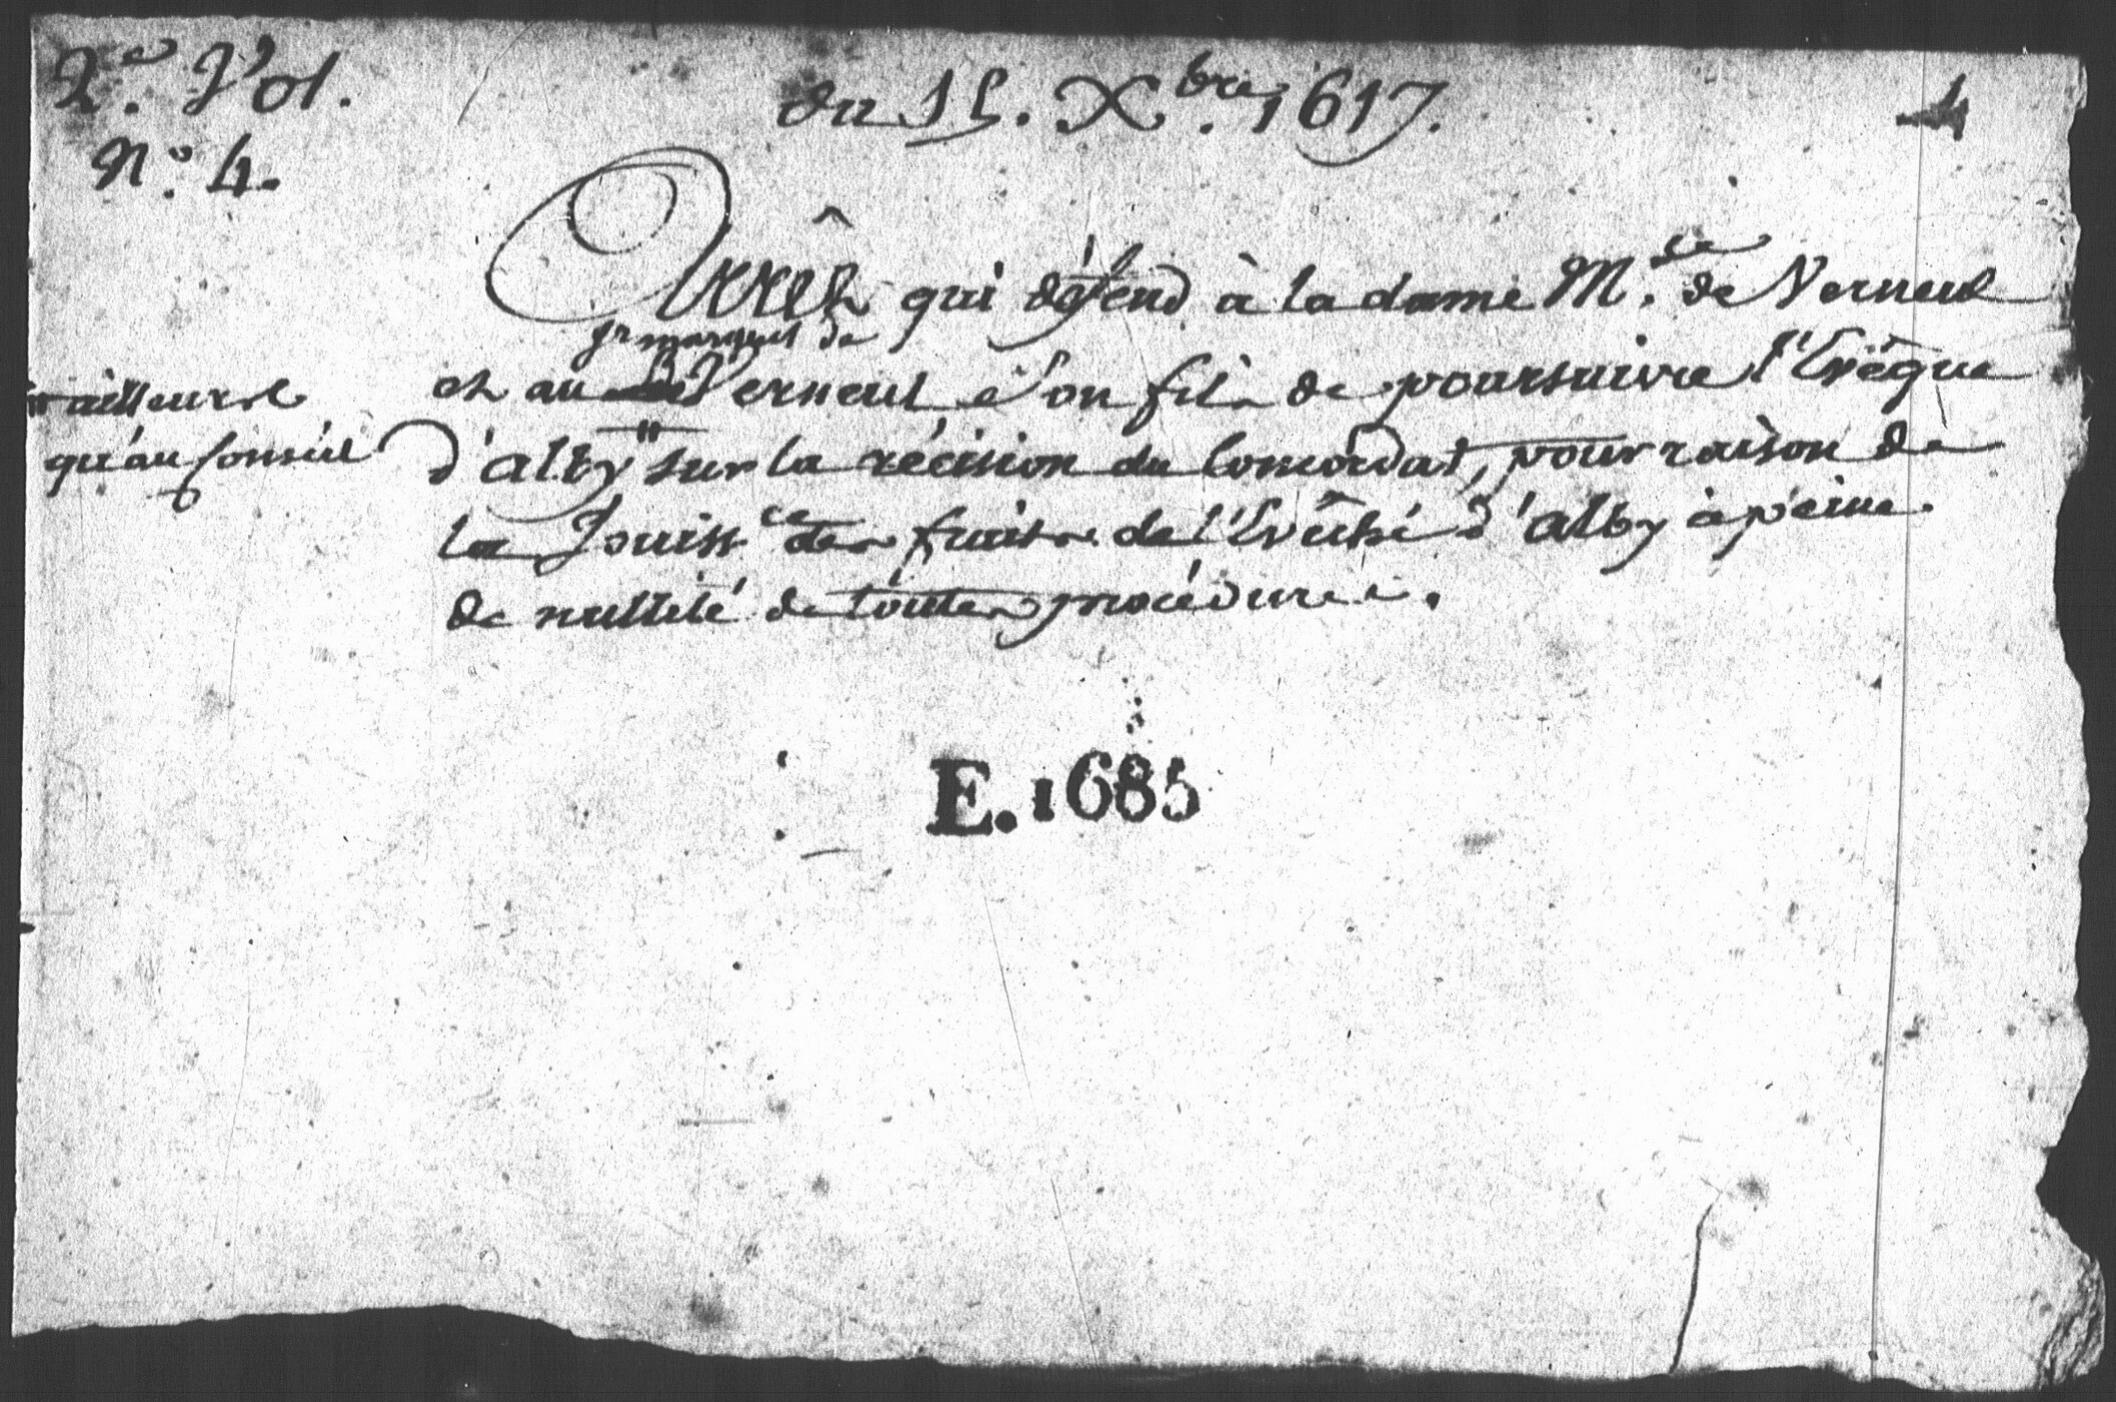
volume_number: n°4
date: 15 décembre 1617
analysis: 4
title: Arrêt qui défend à la dame mse de Verneul et au Sr marquis de Verneul son fils de poursuivre l'Evêque d'Alby ailleurs au'au Conseil sur la récision du Concordat, pour raison de la jouissce des fruits de l'Evêché d'Alby à peine de nullité de toutes procédures.
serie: E
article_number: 1685
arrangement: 2e vol.
